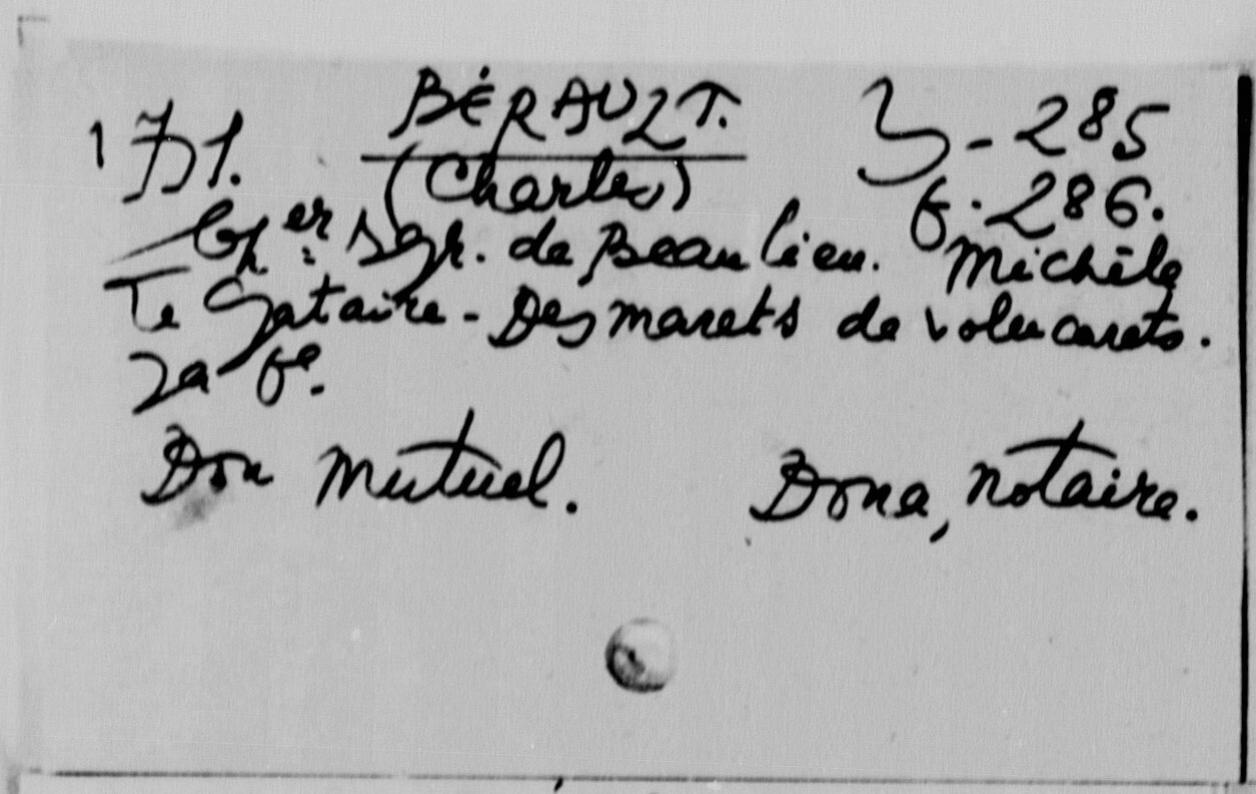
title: BERAULT (Charles)
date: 1701
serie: Y
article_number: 285
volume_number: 286
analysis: Chevalier seigneur de Beaulieu. Michèle Le Gataire-Desmarets de Volucarets, sa femme. Don mutuel Dona, notaire.
